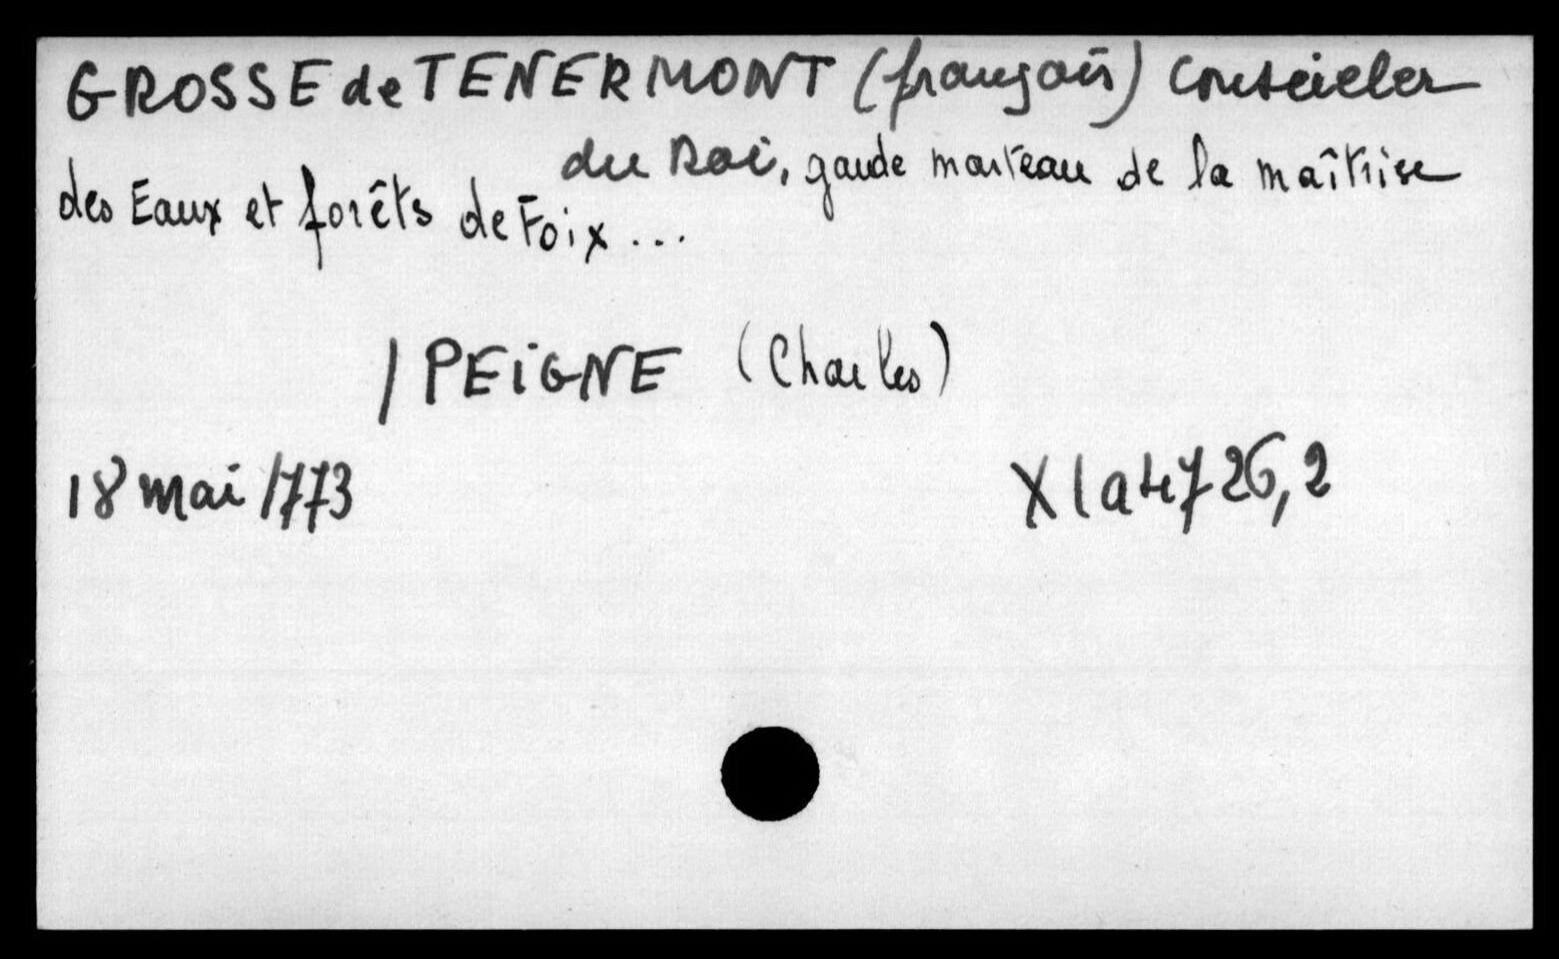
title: GROSSE de TENERMONT (François) conseiller du roi, garde-marteau de la maîtrise des eaux et forêts de Foix.
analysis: Contre PEIGNE (Charles)
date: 18 mai 1773
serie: X1a
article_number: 4726
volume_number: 2
